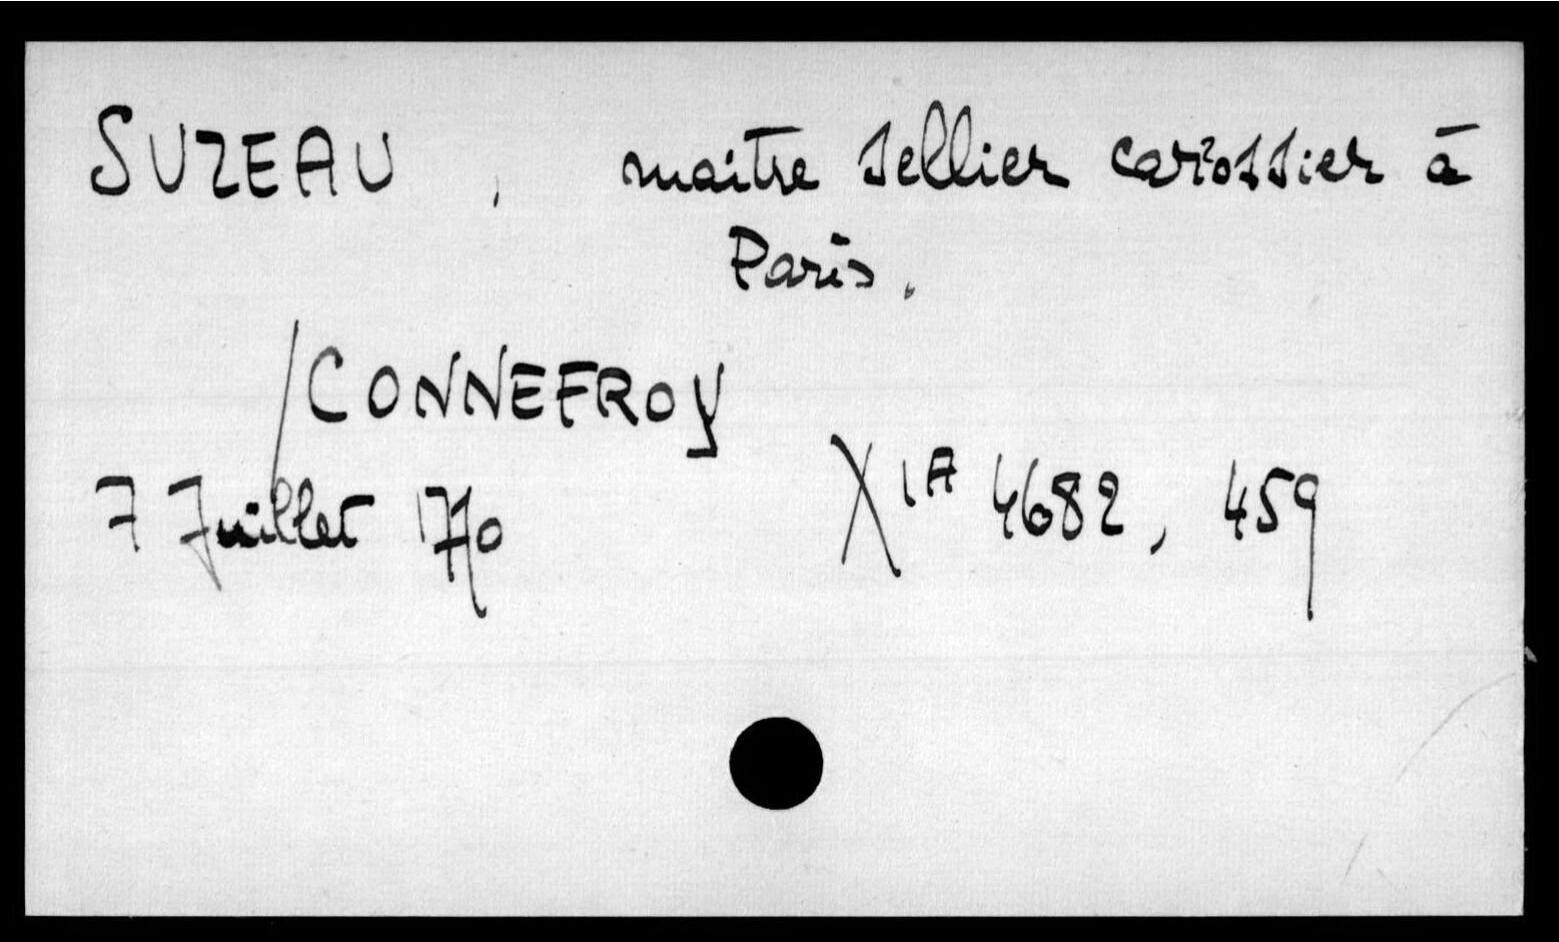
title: SUZEAU, maître sellier carrossier à Paris.
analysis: Contre CONNEFROY
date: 7 juillet 1770
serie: X1A
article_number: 4682
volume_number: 459
